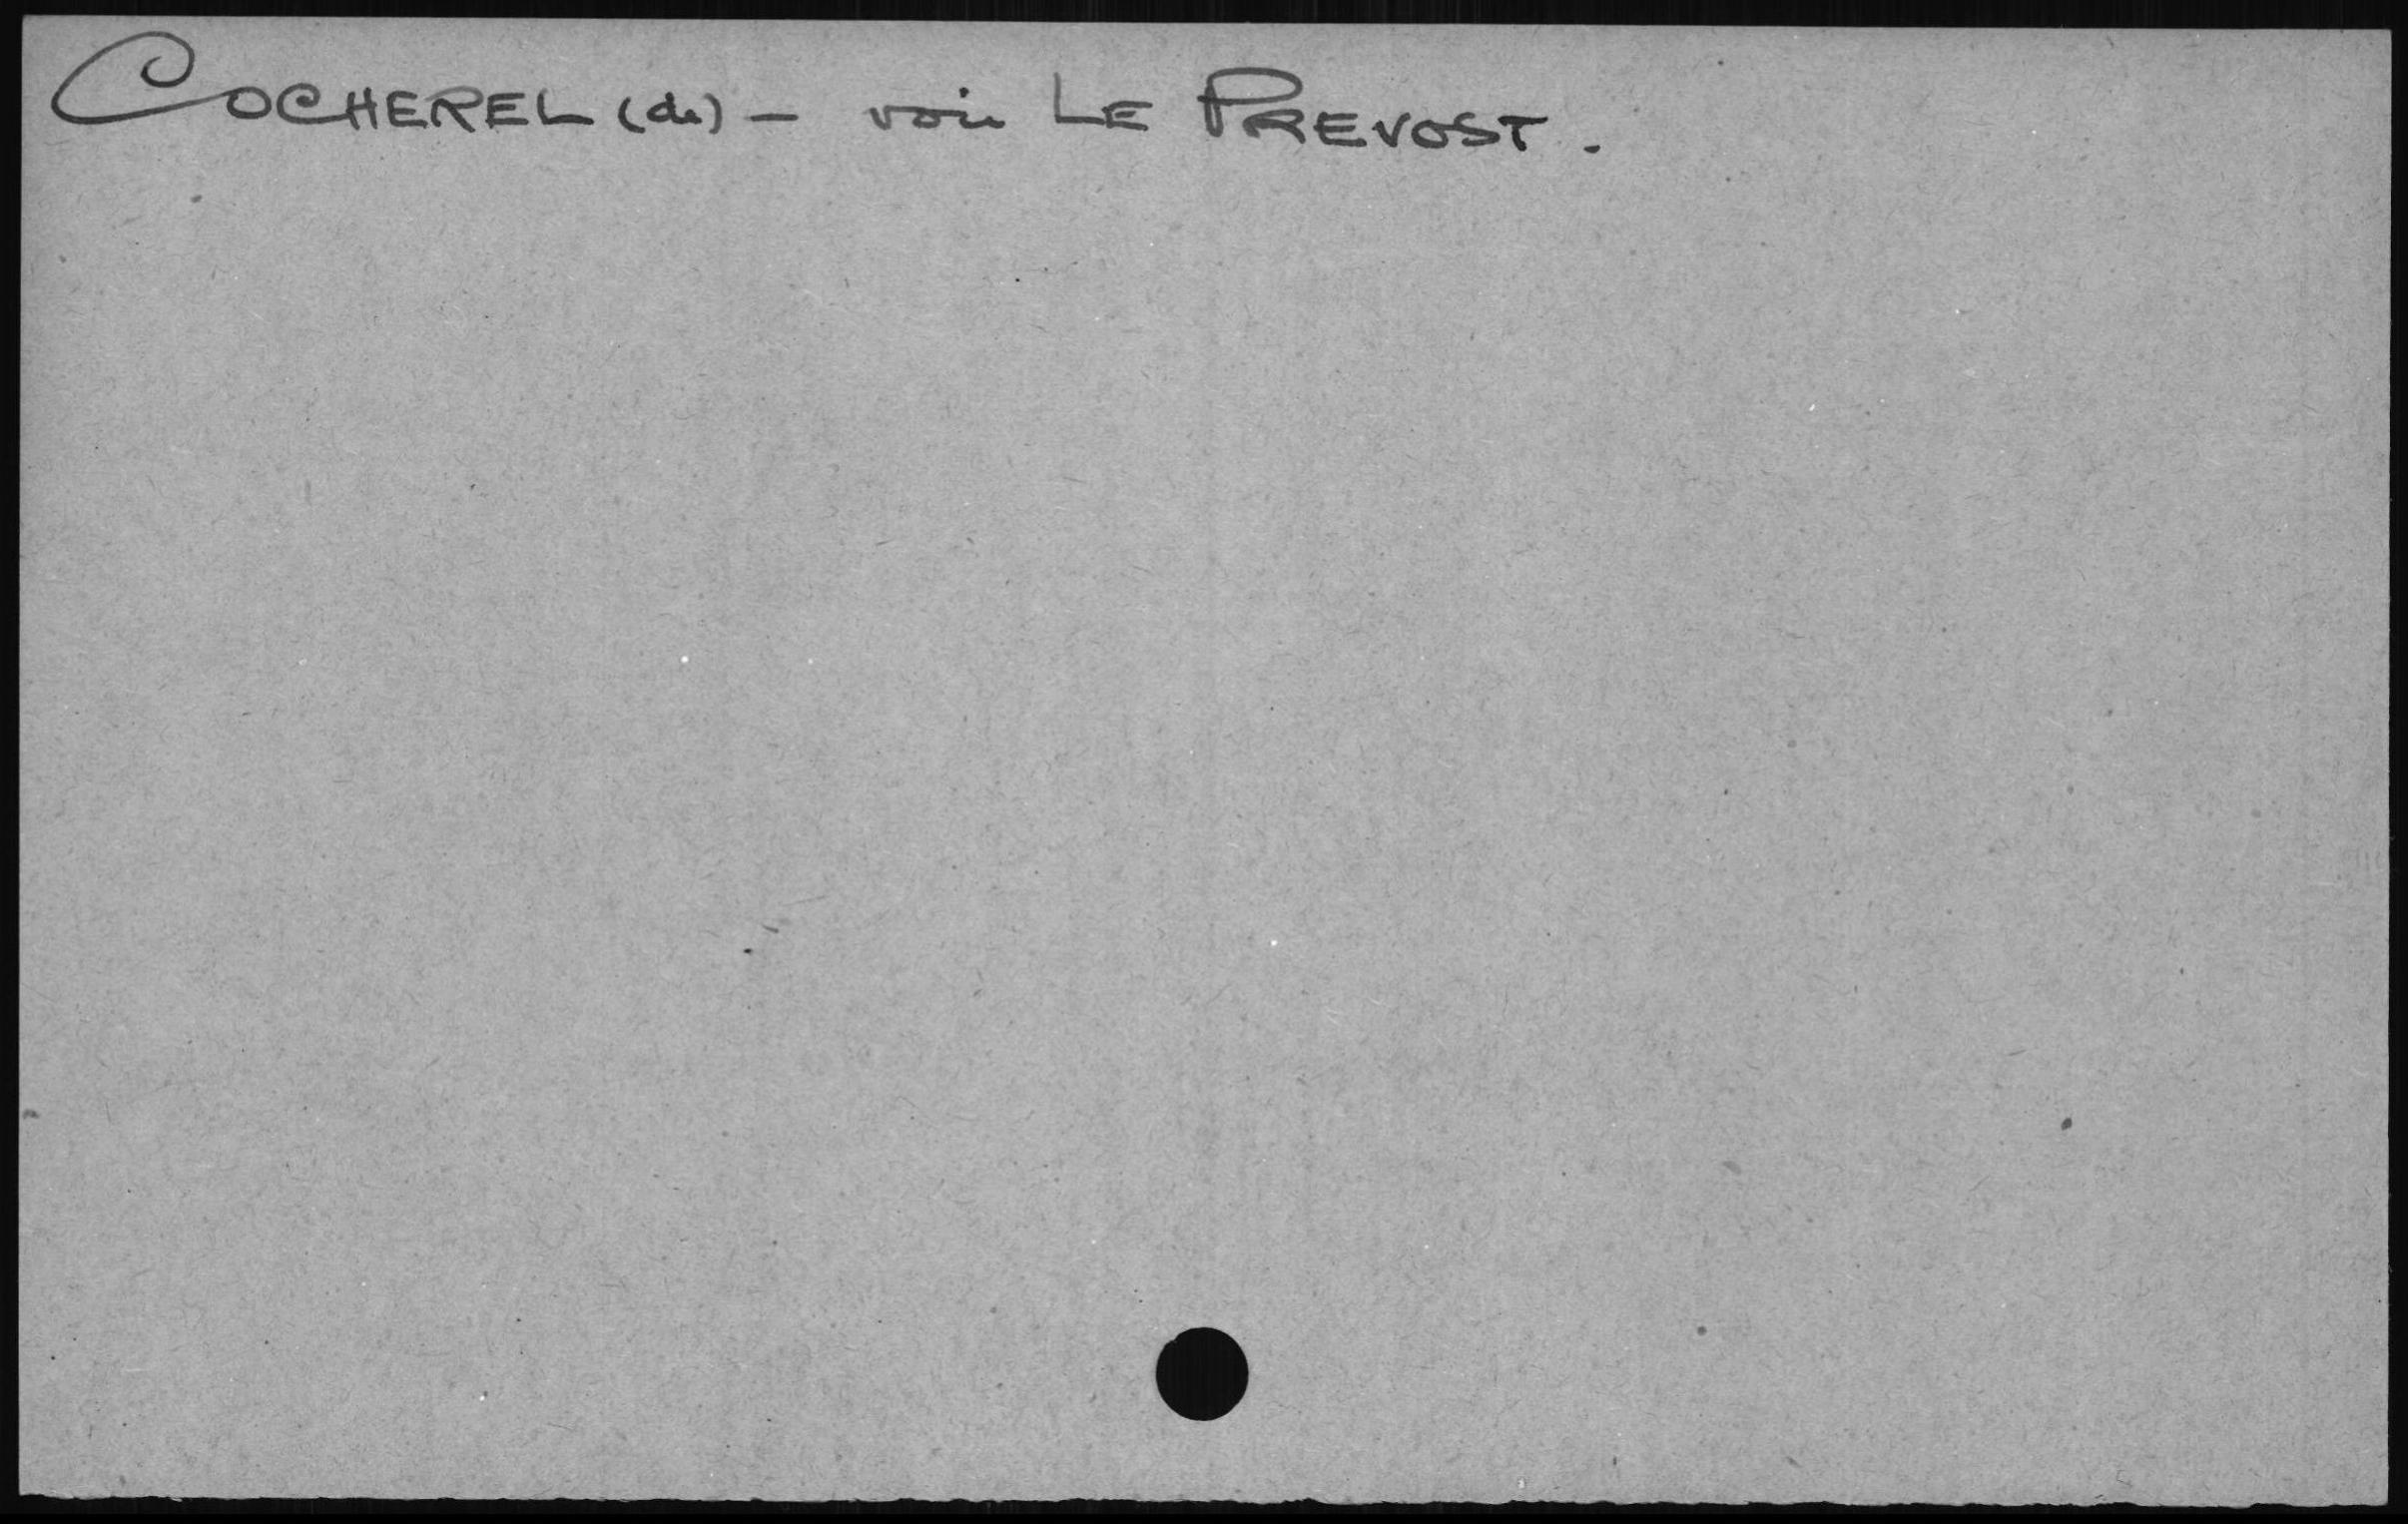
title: COCHEREL (de) - voir : LE PREVOST.
